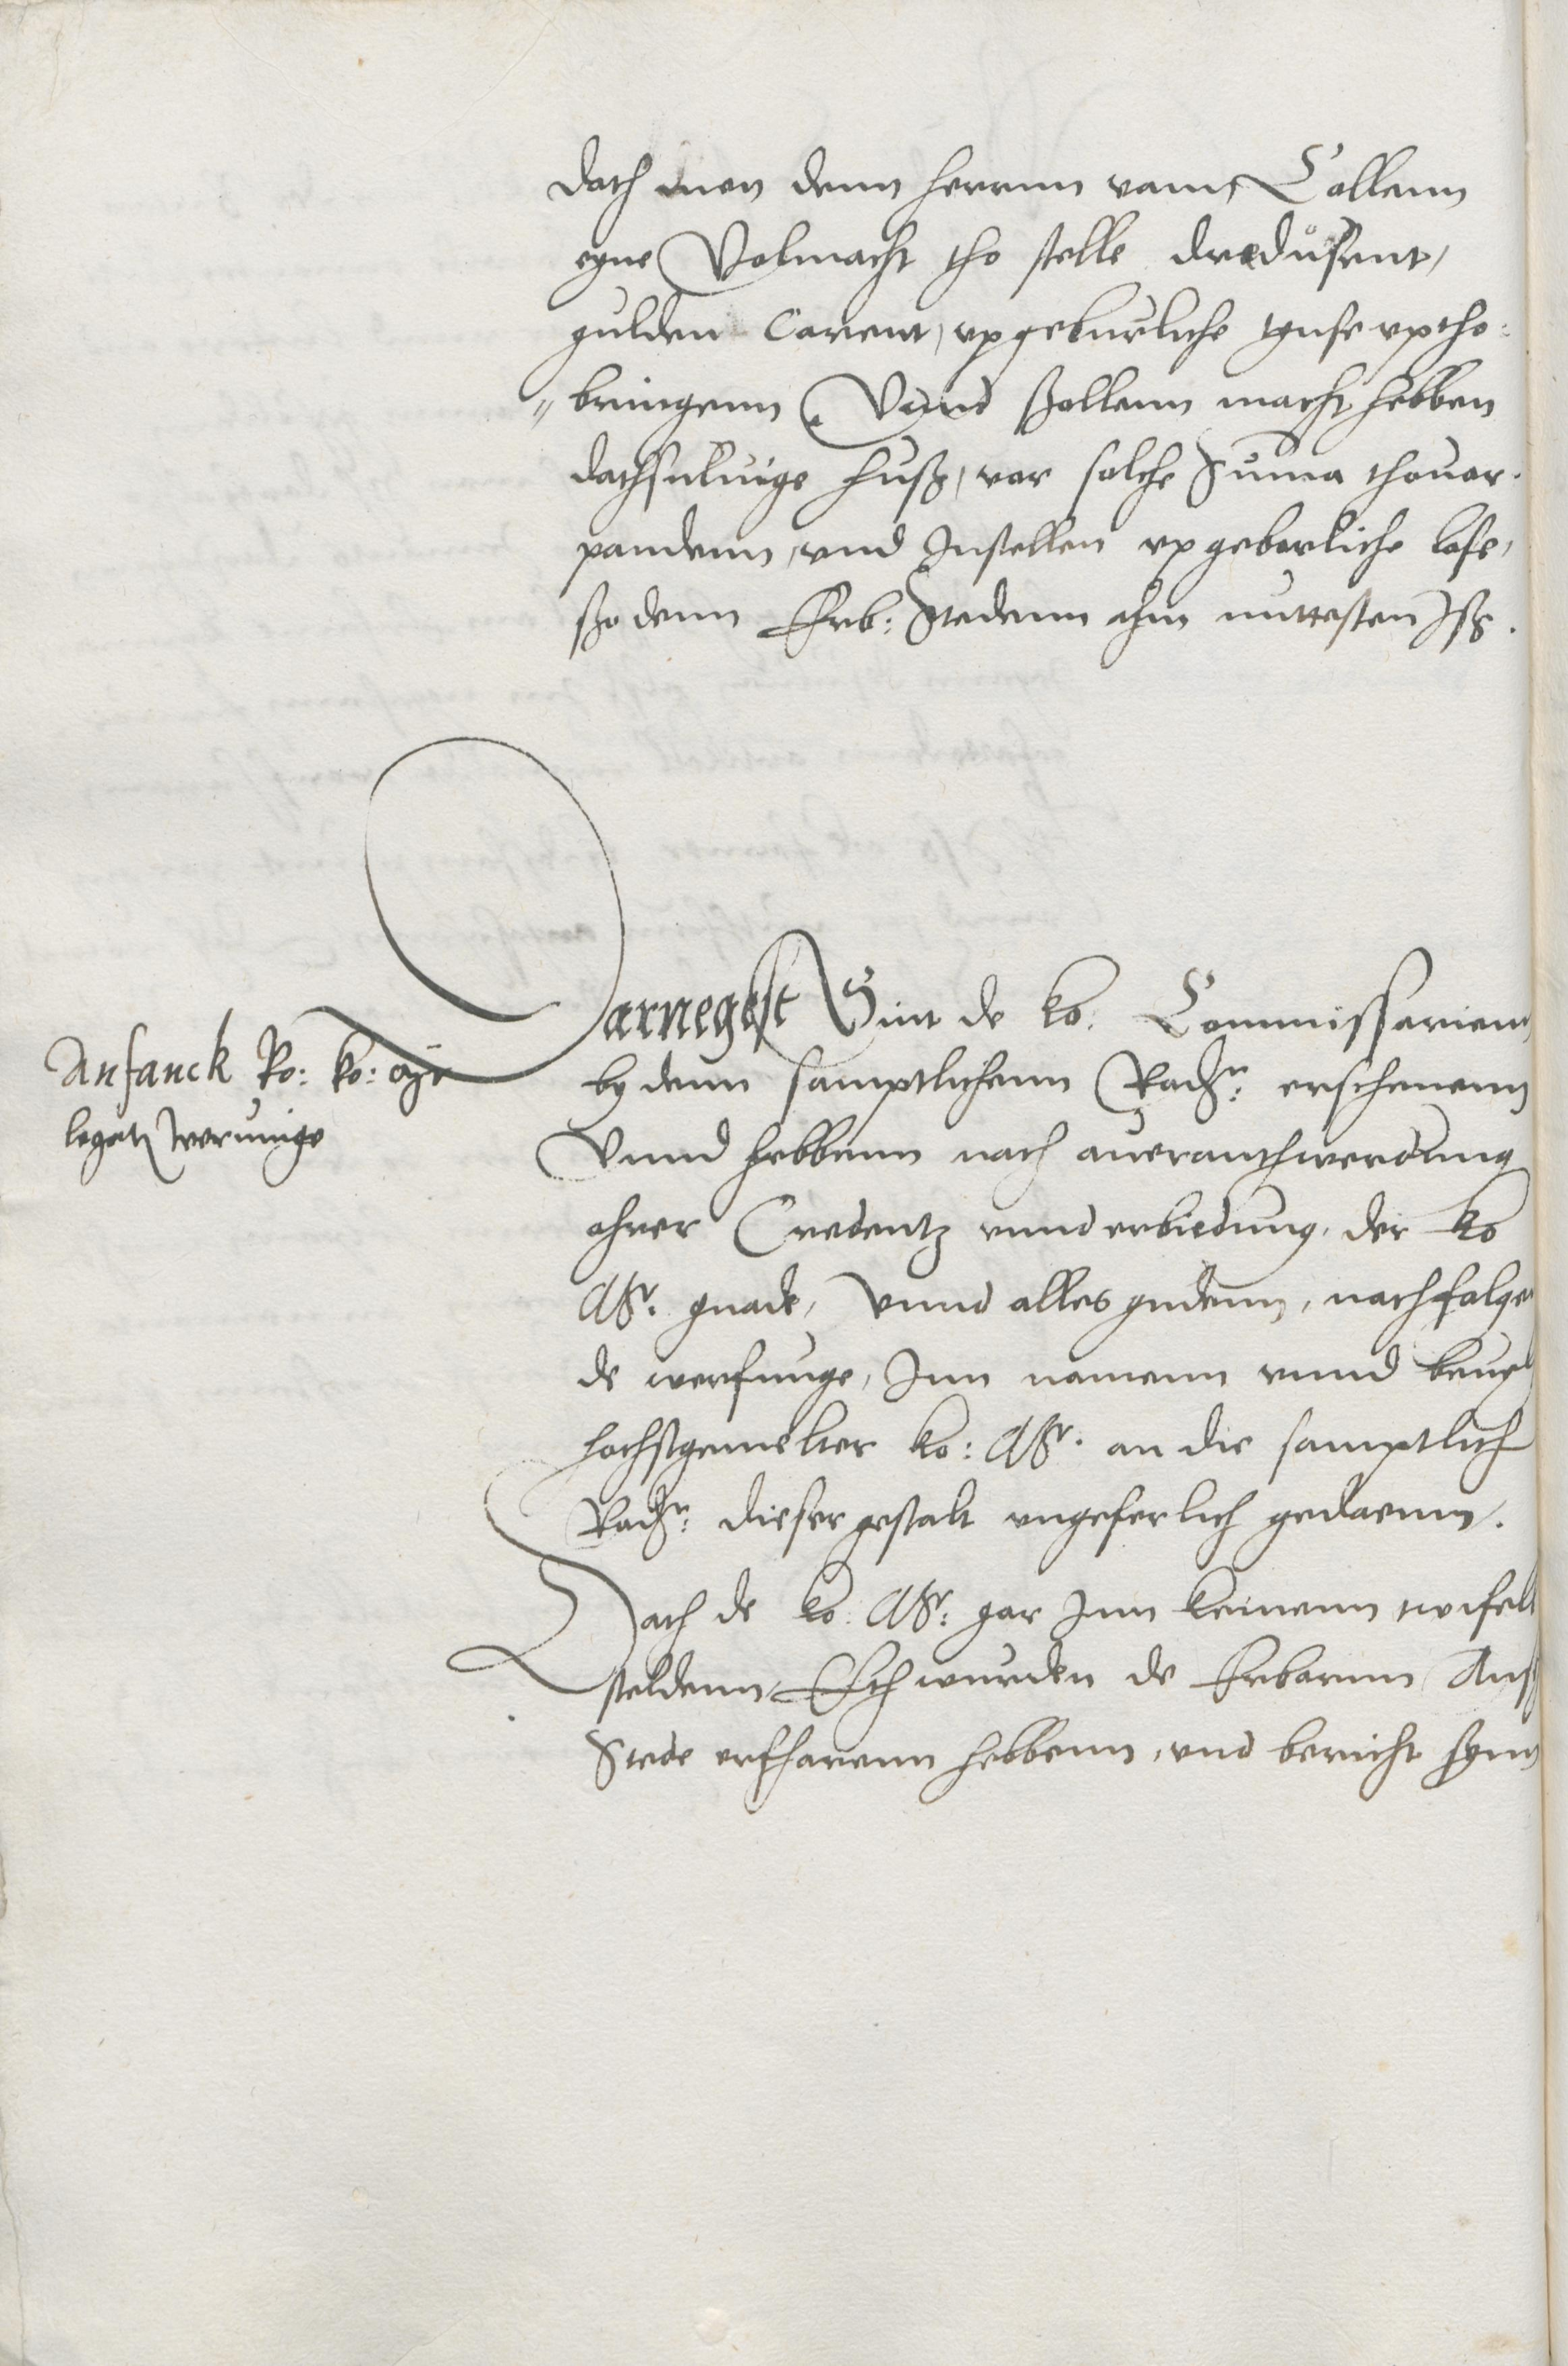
dath men denn herrnn vann Collenn
eyne Volmacht tho stelle dredusent,
gulden Carent, vp geburliche tynse vp tho¬
bringenn Vnnd ßollenn macht hebben
dathsuluige huß, vor solche Summa thouor¬
pandenn, vnd jnstellen vp geborliche lose,
ßo denn Erb: Stedenn ahm nuttesten Jß.
Darnegest Sint de Ko: Commissarienn
by denn samptlichen Rad: erschenenn
Vnnd hebbenn nach aueranthwerdung
ohrer Credentz vnnd erbiedung der Ko:
Mt. gnade, Vnnd alles gudenn, nachfolgen
de werfunge, Jnn namenn vnnd beuelh
hochstgemelter Ko: Mt. an die samptlichen
Radessendeboden dieser gestalt vngeferlich gedaenn,
Dath de Ko: Mt. gar Jnn keinenn twifell
steldenn, Eth wurden de Erbarnn Anseh
Stede erfharenn hebbenn, vnd bericht synn
Anfanck Ro: Ko: Mt
legaten weruinge
